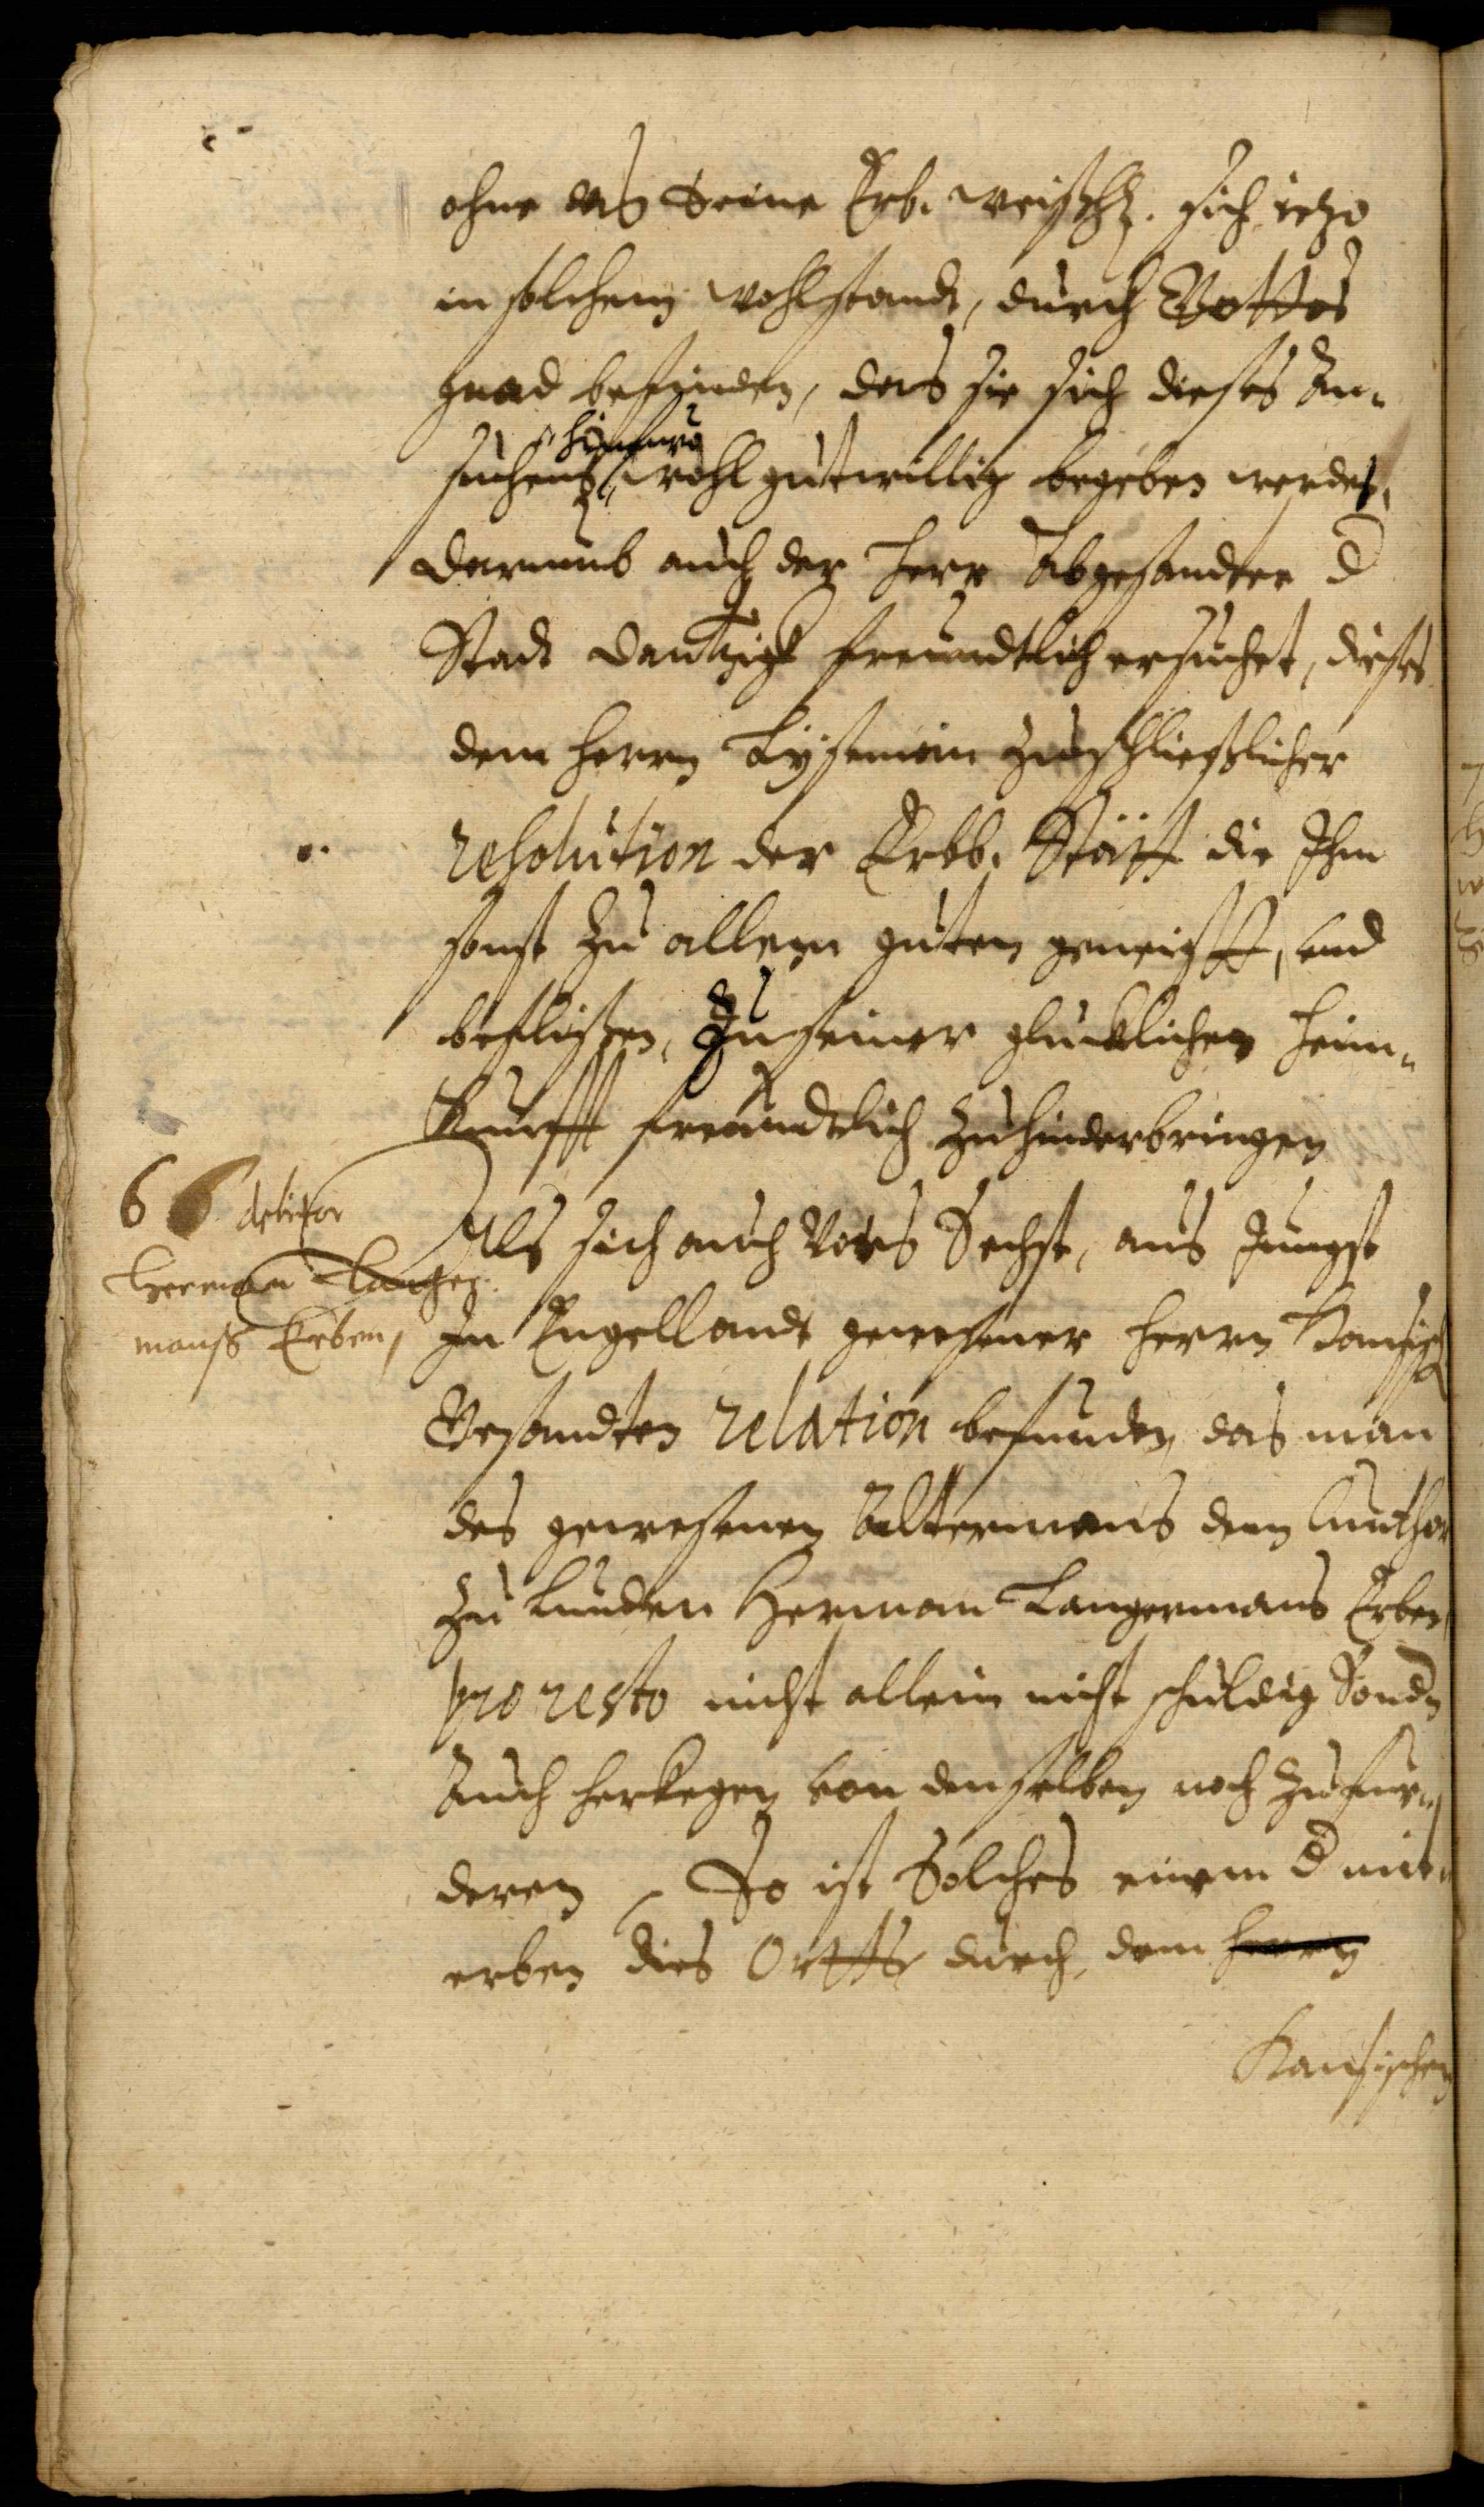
ohne das seine Erb. weißheit sich iezo
in solchem wohlstand, durch Gottes
gnad befinden, das sie sich dieses an¬
F hirinne
suchens, wohl gutwillig begeben werden,
darumb auch der herr abgesandter der
Stadt Dantzigk freundtlich ersuchet, dieses
dem herrn Lijseman zuschließlicher
resolution der Erbb. Stätt die Ihm
sonst zu allem guten geneigtt, vnd
beflißen, zu seiner glucklichen heim¬
kunfft freundlich zuhinderbringen
Als sich auch vors Sechst, aus Jungst
zu Engellandt gewesener herrn Hansischen
Gesandten relation befunden, das man
des gewesenen Altermans dem Cunthor
zu Lunden Herman Langermans Erben
pro resto nicht allein nicht schuldig Sondern
auch herkegen von denselben noch zu fur¬
deren, So ist solches einem der mit¬
erben dies Ortts durch den herrn
Hansischen
66 debitor
Herman Langer¬
manß Erben,
